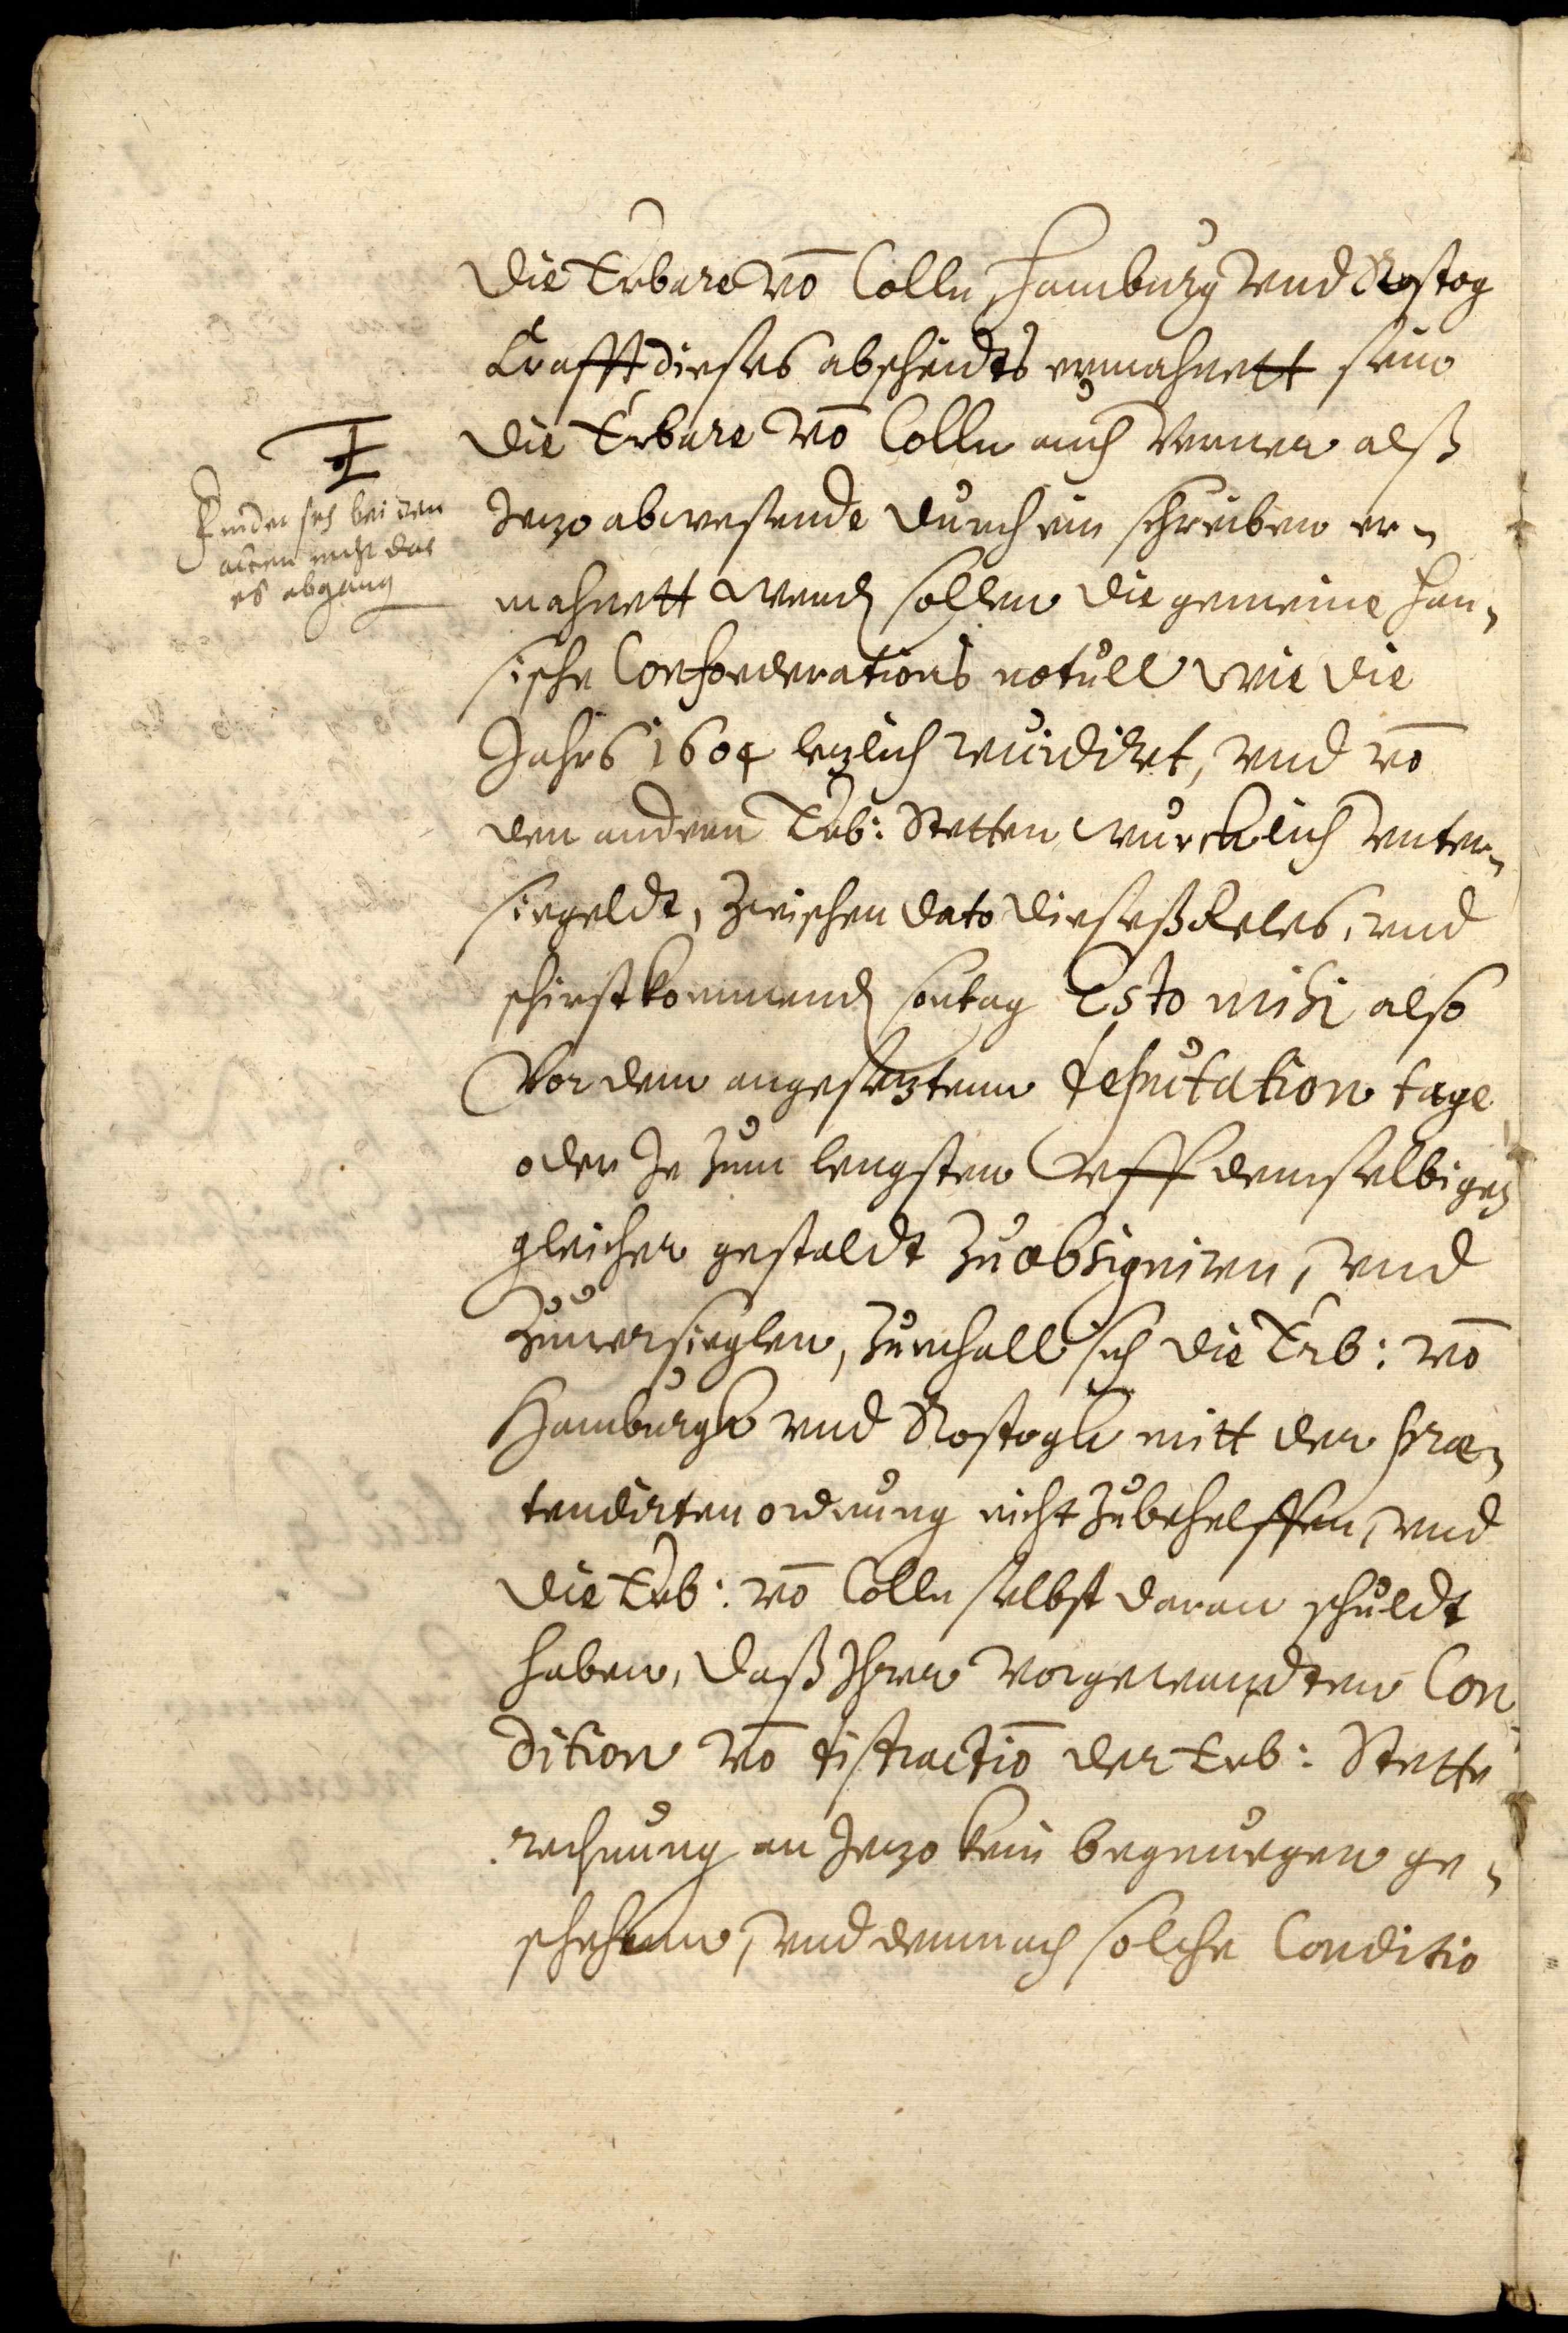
die Erbare von Colln, Hamburg vnd Rostog
Crafft dieses abscheidts ermahnett sein
die Erbare von Colln auch verner alß
Ietzo abwesendte durch ein schreiben er¬
mahnett werden sollen die gemeine han¬
sische Confoederations notull wie die
Jahrs 1604 letzlich reuidiret, vnd von
den anderen Erb: Stetten wurcklich vnter¬
siegeldt, zwischen dato dieseß Reces, vnd
schirstkommenden sontag Esto mihi also
vor dem angesetztenn deputation tage
oder Je zum lengsten uff demselbigen
gleicher getsakdt zu absignieren, vnd
zuuersieglen, zumhall sich die Erb: von
Hamburgk vnd Rostogk mit der prae¬
tendirten ordnung nicht zubehelffen, vnd
die Erb: von Colln selbst daran schuldt
haben, daß Ihren vorgenandten Con¬
dition von distraction der Erb; Stette
rechnung anIetzo kein begnuegen ge¬
schehen, vnd dennoch solche Conditio
E
Finden sich bei ???
??? nicht das
er abgang
